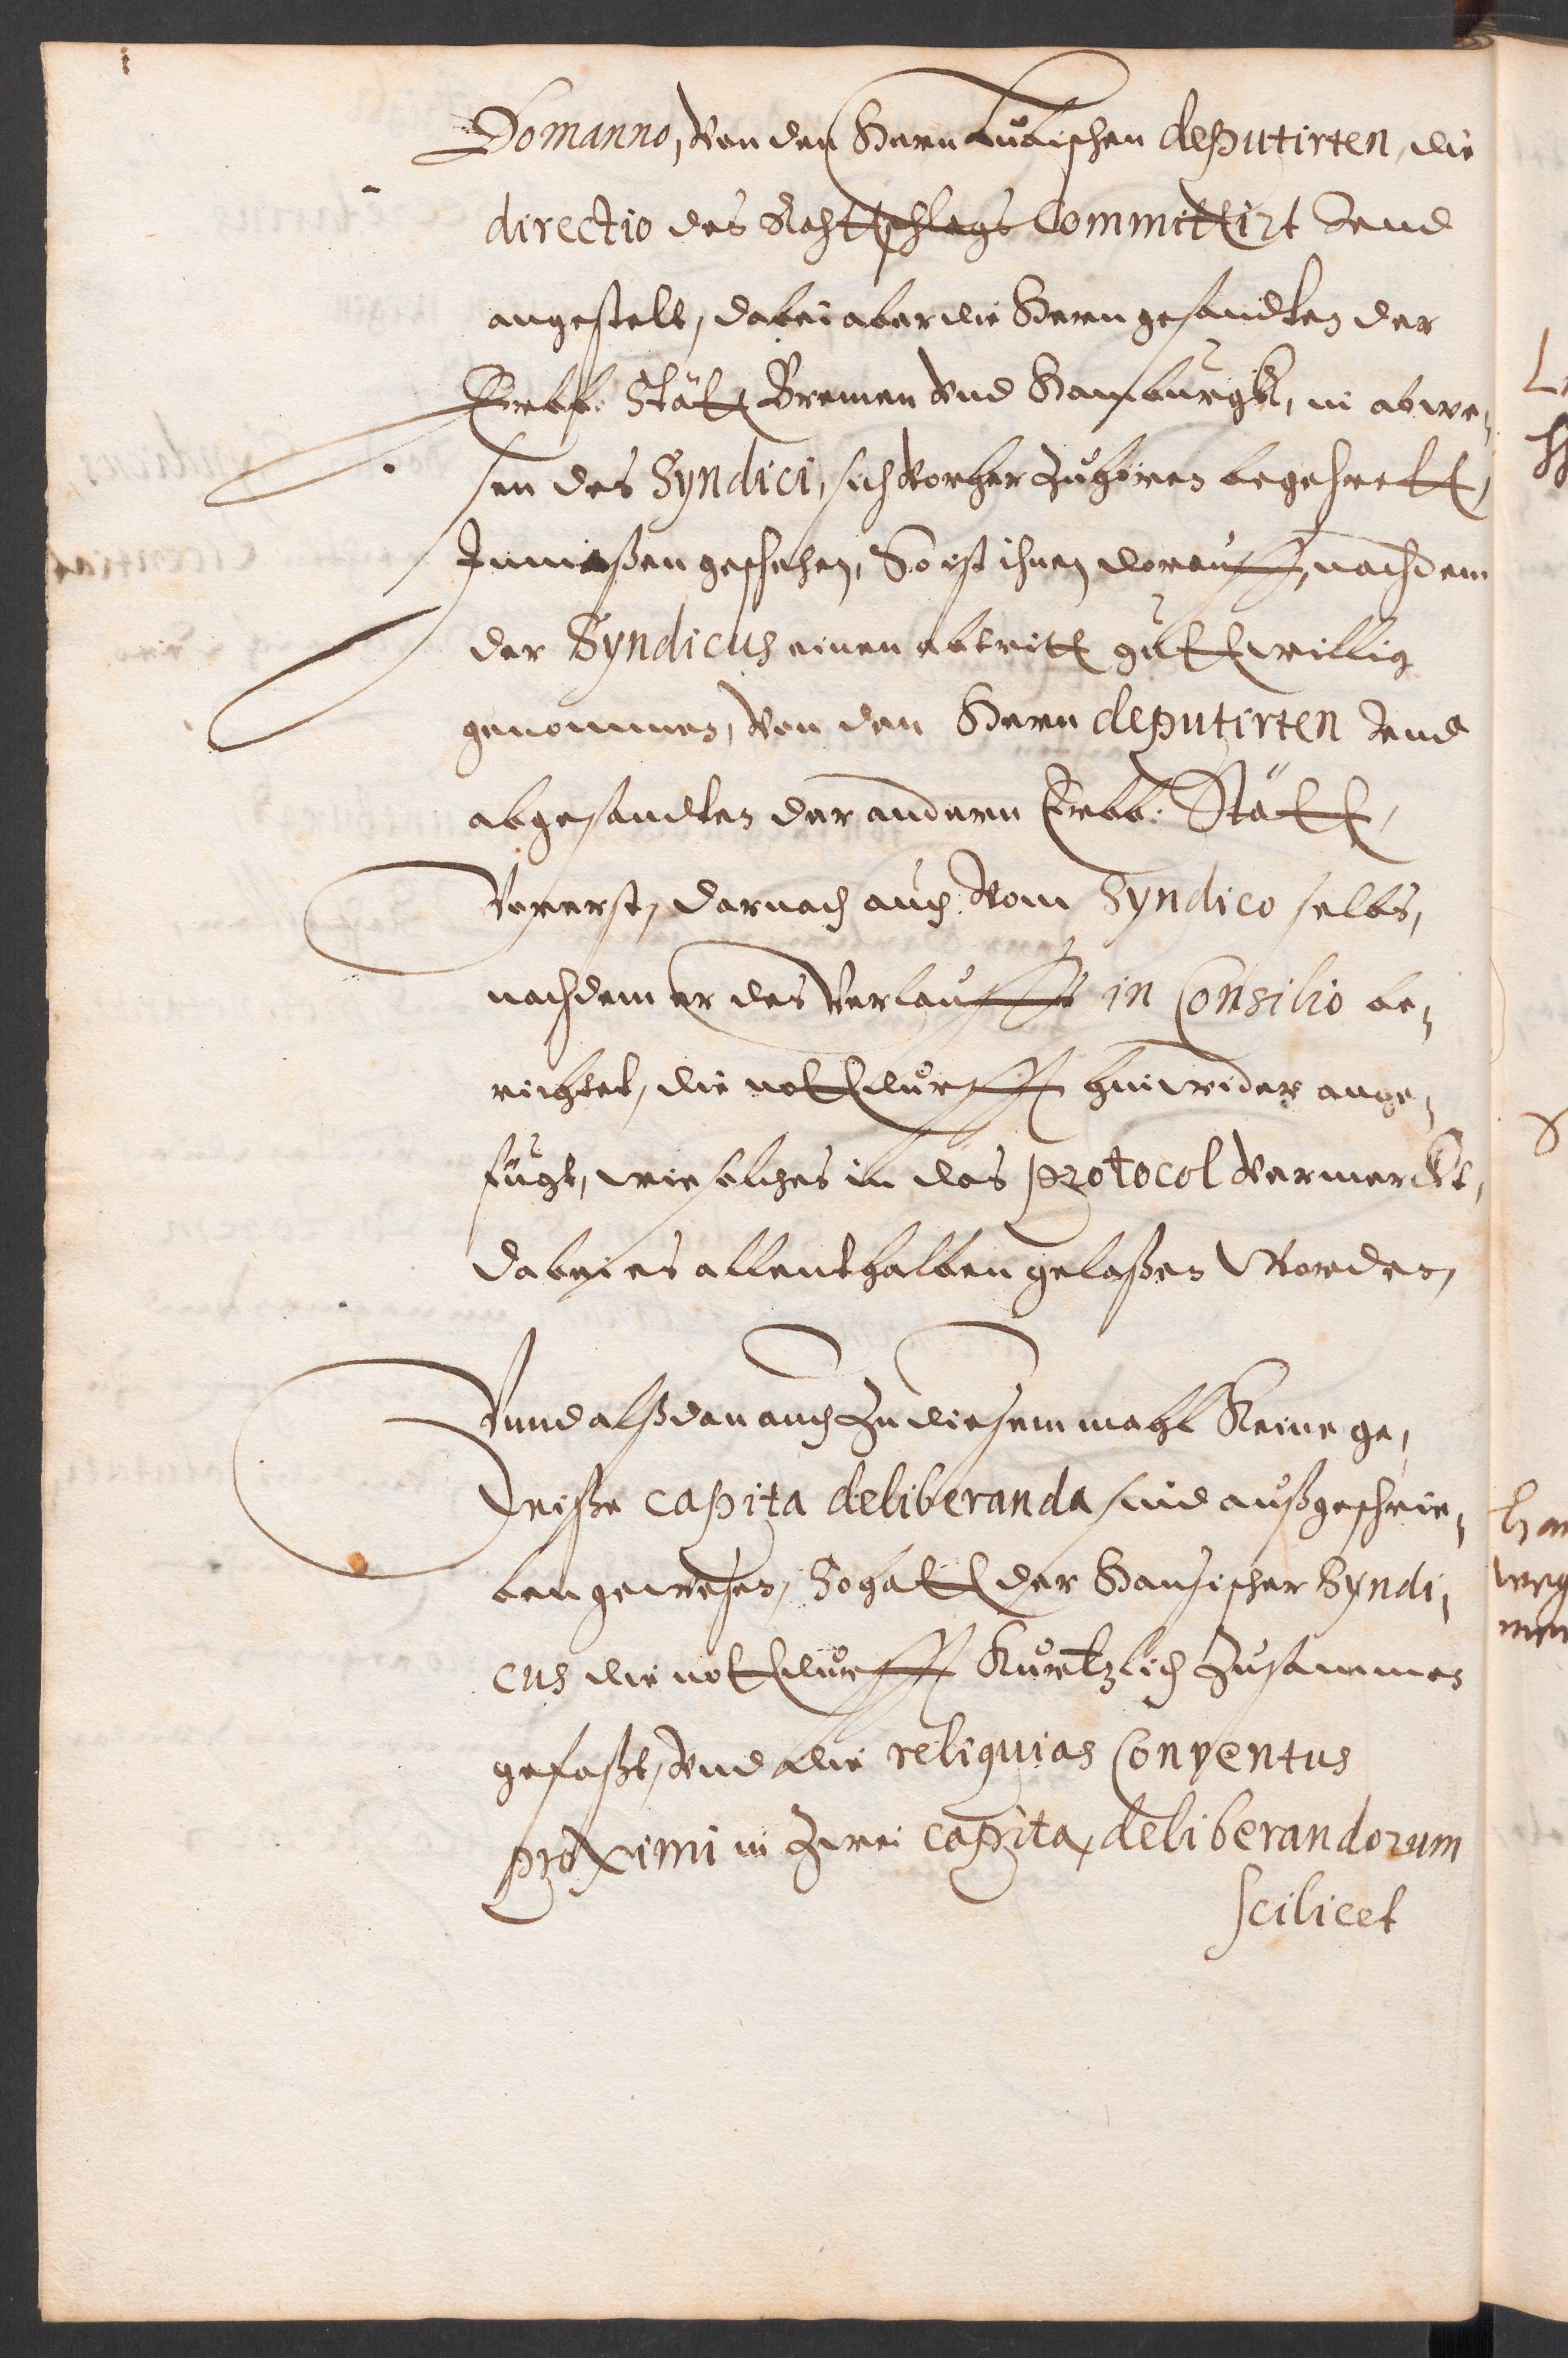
genommen, von den Hern deputirten vnd
Domanno, von den Hern Lubischen deputirten die
directio des Rahttschlags committirt vnd
angestalt, dabei aber die Hern gesandten der
Erbb: Stätt Bremen vnd Hamburgk, in abwe¬
sen des Syndici, sich vorher zuhören begehrett,
Jnmaßen geschehen, So ist ihnen dorauff, nachdem
der Syndicus einen abtritt guttwillig
abgesandten der andern Erbb: Stätt,
Vorerst, darnach auch vom syndico selbs,
nachdem er des Verlauffs in Consilio be¬
richtet, die nottdurfft hinwider ange¬
fügt, wie solches in das protocol vermerckt,
dabei es allenthalben gelaßen worden,
Vnnd alßdan auch zu diesem mahl keine ge¬
wiße capita deliberanda sind außgeschrie¬
ben gewesen, So hatt der Hansischer Syndi¬
cus die nottdurfft Kurtzlich zusammen
gefaßt, vnd die reliquias Conventus
proximi in zwei capita, deliberandorum
scilicet
